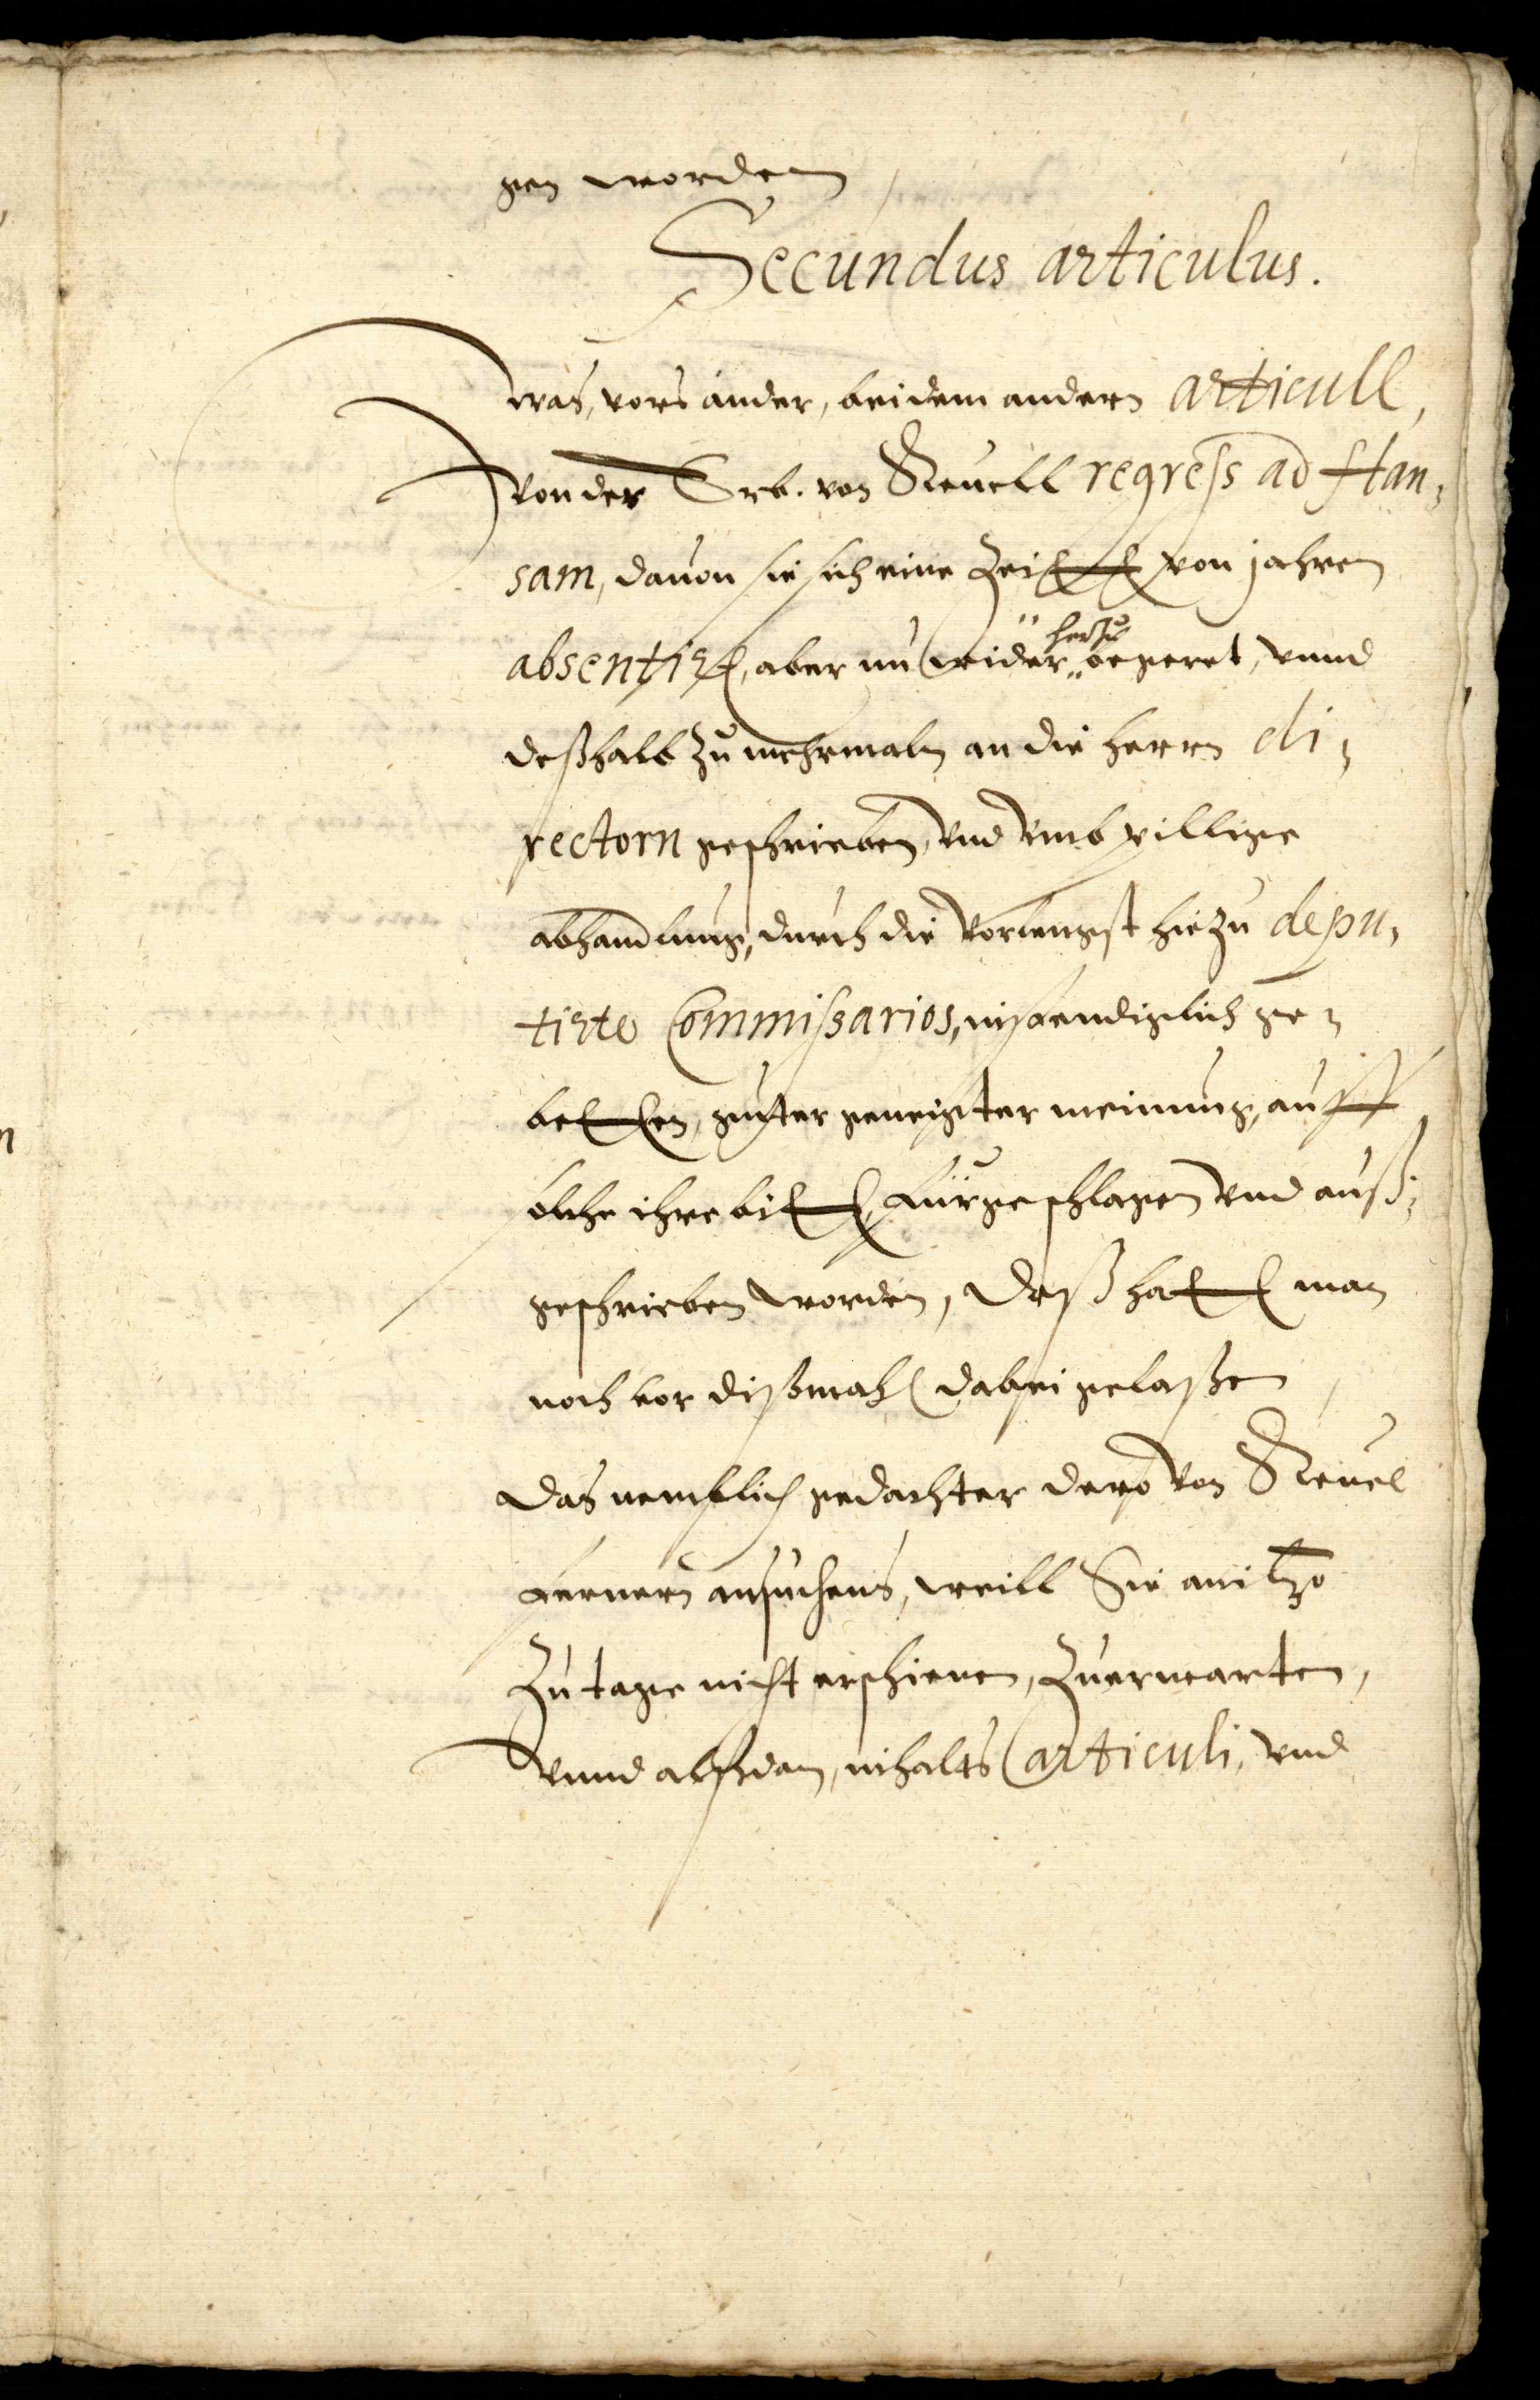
gen worden,
Secundus articulus.
Was, vors ander, bei dem andern articull,
Von der Erb. von Reuell regress ad Han¬
sam dauon sie sich eine zeitt von jahren
* herzu
absentirt, aber nu wider * begeret, vnnd
deßhalb zu mehrmaln an die herrn di¬
rectorn geschrieben, Vnd Vmb pillige
abhandlung, durch die Vorlengst hiezu depu¬
tirte Commissarios, instendiglich ge¬
betten, guter geneigter meinung, auff
solche ihre bitt, fürgeschlagen vnd auß¬
geschrieben worden, daß hatt man
noch vor dißmahl dabei gelaßen
das nemblich gedachter dero von Reuell
fernern ansuchens, weill Sie anitzo
Zu tage nicht erschienen, Zuerwarten,
Vnnd alßdan, inhalts articuli, vnd
